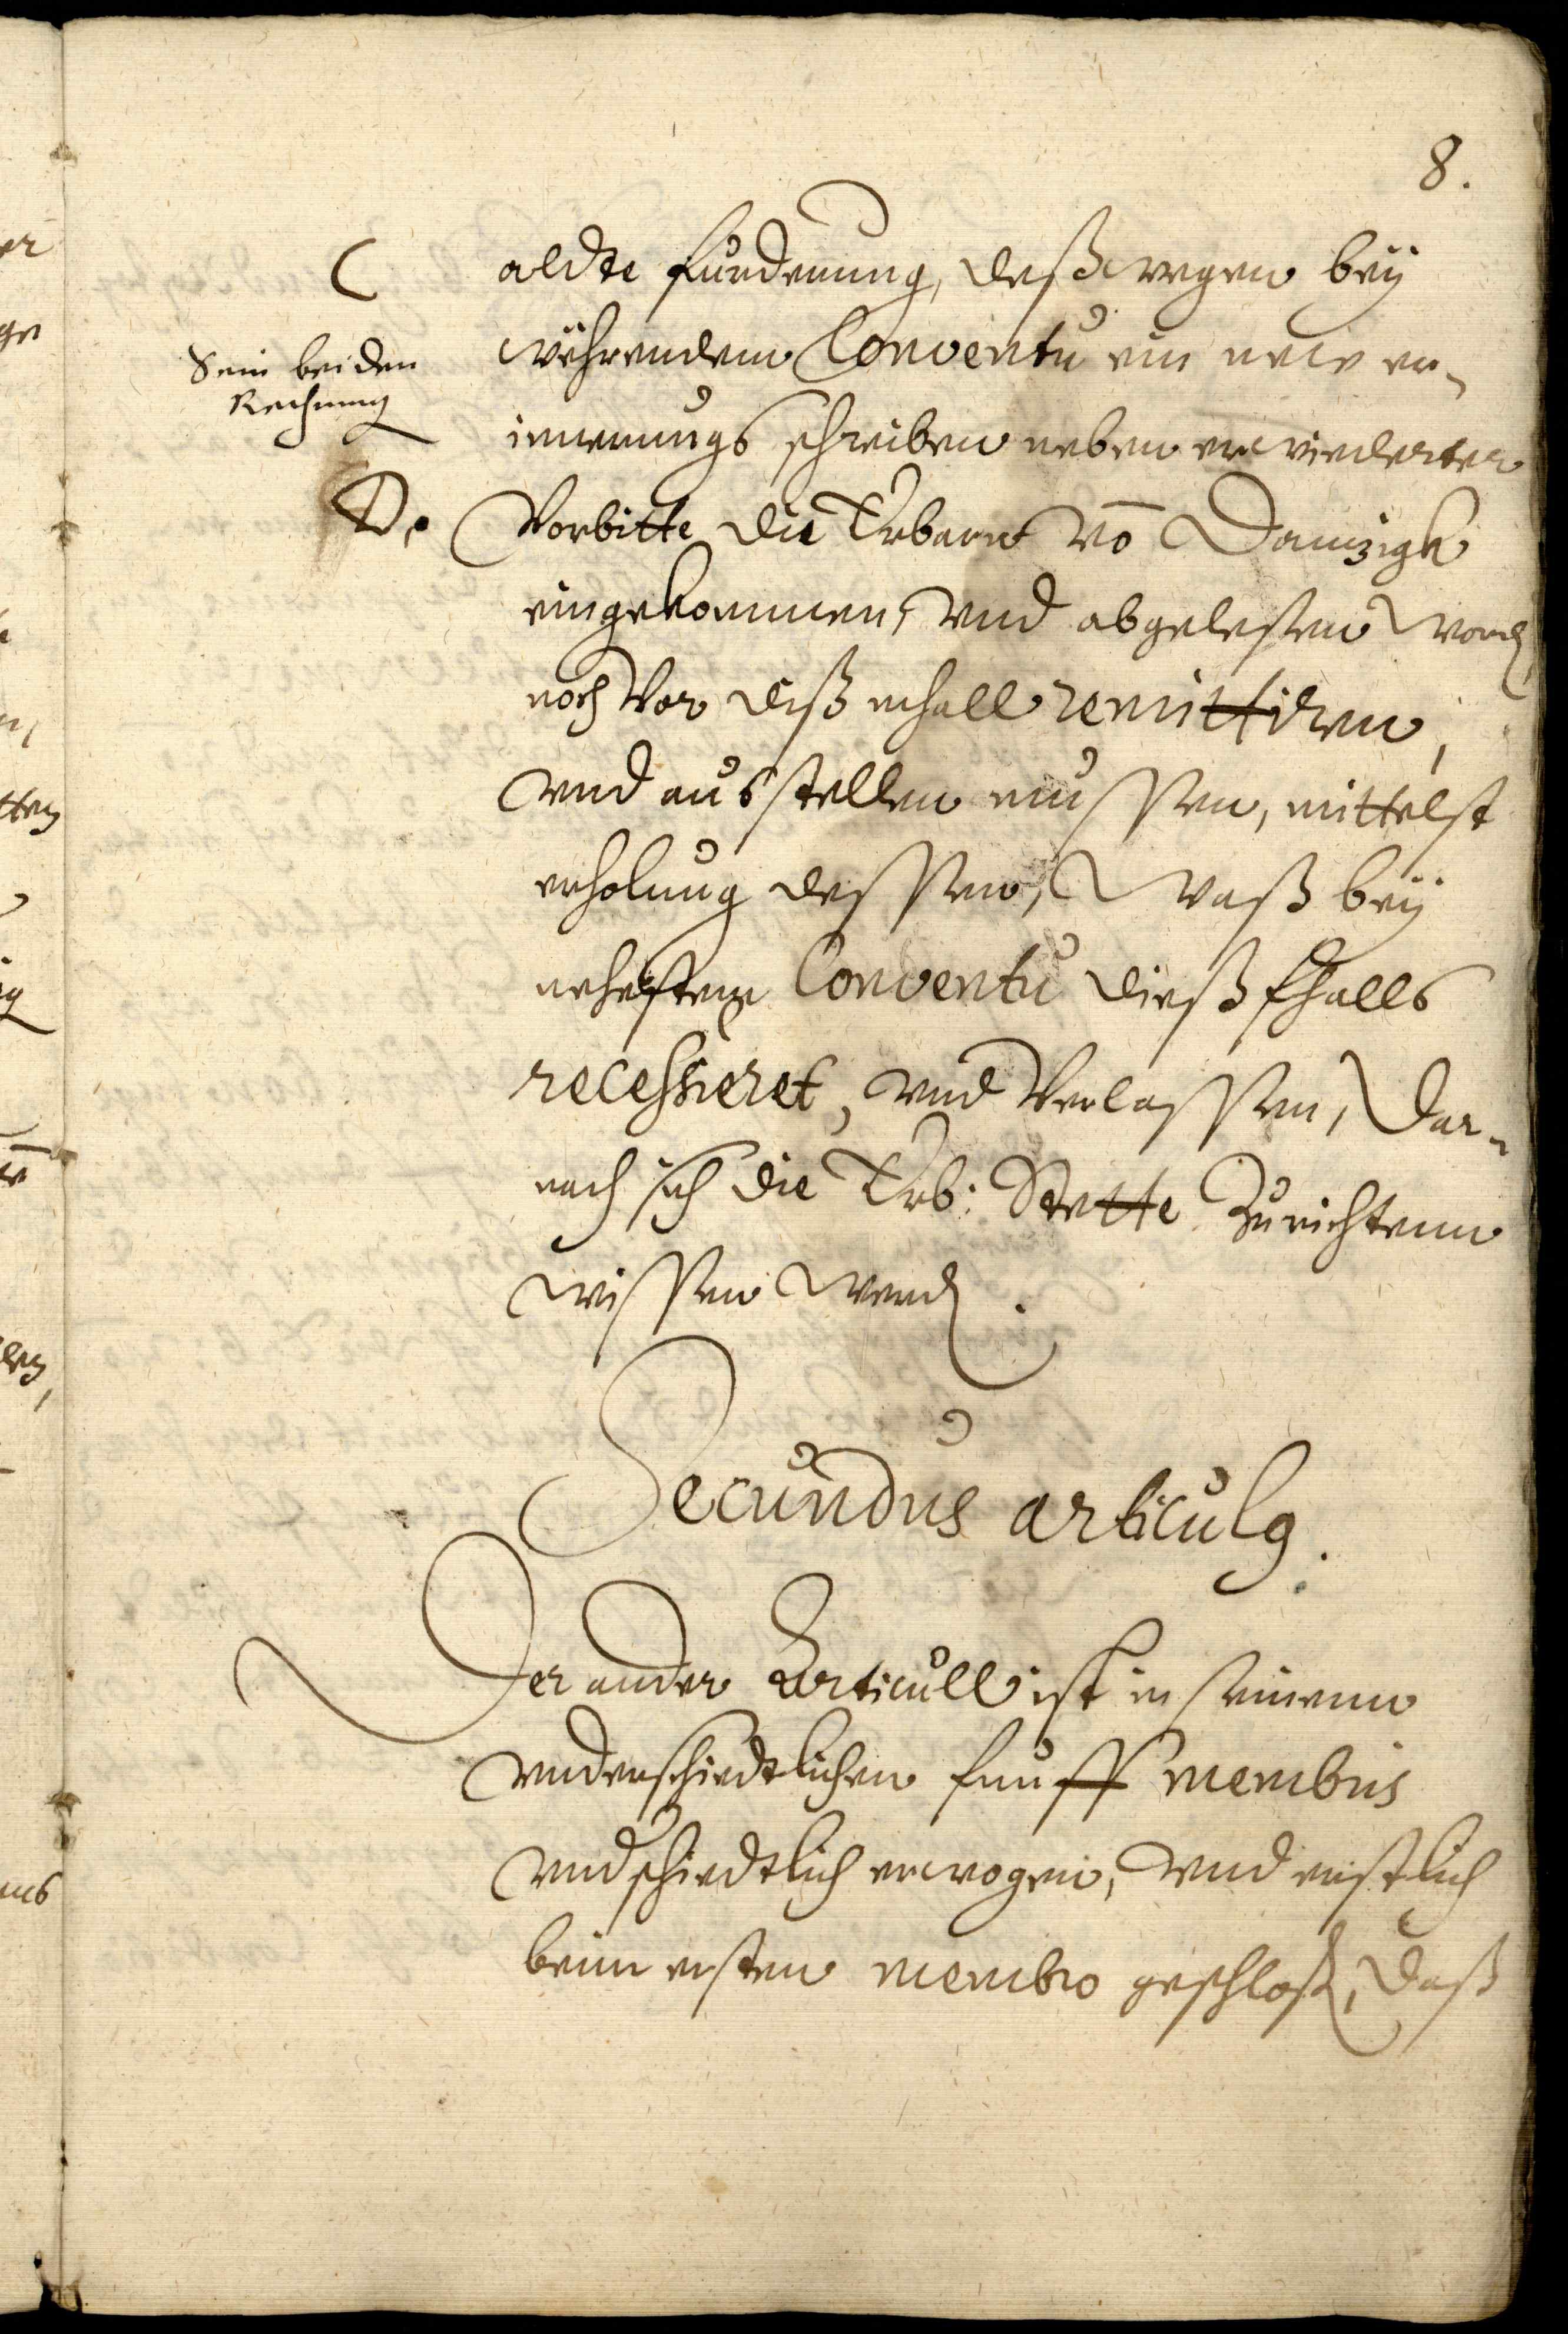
8.
aldte furderung, deßwegen beij
wehrendem Conventu ein ???? er¬
innerungs schreiben neben erwiederter
Vorbitte die Erbarn von Danzigk
eingekommen, vnd abgelesen worden
noch vor diß mhall remittiren,
vnd ausstellen mussen,mittelß
erholung dessen, waß beij
nehestem Conventu dießfhalls
recehsiret,vnd Verlassen,Dar¬
nach sich die Erb:Stette zu richtenn
wissen werden.
C
sein beiden
Rechnungen
D.
Secundus articulus:
Der ander Articull ist in seinenn
vnderschiedtlichen funff membris
vnd schiedtlich erwogen,vnd erstlich
beim ersten membro geschlossen,daß
